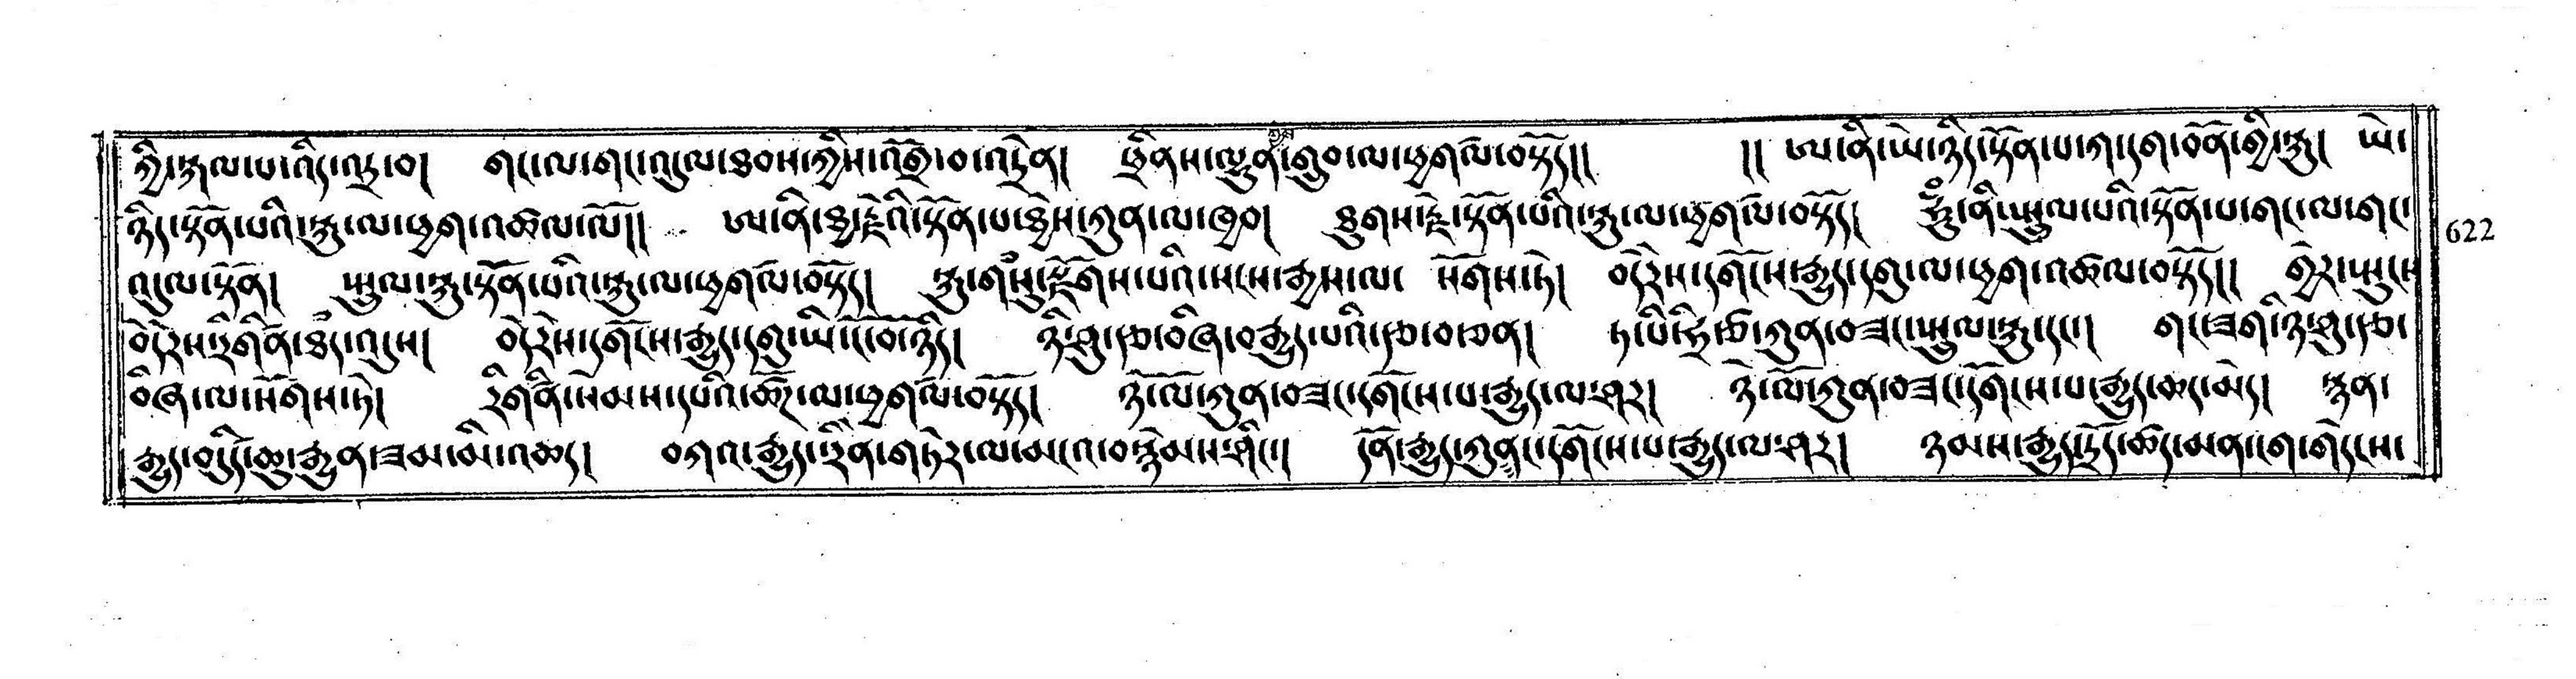ཀྱི་སྐལ་པ་འདི་འདྲ་བ། གང་ལ་གང་འདུལ་ཐབས་ཀྱིས་འགྲོ་བ་འདྲེན། ཕྲིན་ལས་ལྷུན་གྱིས་གྲུབ་ལ་ཕྱག་འཚལ་བསྟོད།། །།ཨ་ནི་ཡེ་ཉིད་སྟོན་པ་ཀ་དག་བོན་གྱི་སྐུ། ཡེ་
ཉིད་སྟོན་པའི་སྐུ་ལ་ཕྱག་འཚལ་ལོ།། ཨ་ནི་ཐུགས་རྗེའི་སྟོན་པ་ཐུགས་རྗེས་ཀུན་ལ་ཁྱབ། ཐུགས་རྗེ་སྟོན་པའི་སྐུ་ལ་ཕྱག་འཚལ་བསྟོད། ཧཱུྃ་ནི་སྤྲུལ་པའི་སྟོན་པ་གང་ལ་གང་
འདུལ་སྟོན། སྤྲུལ་སྐུ་སྟོན་པའི་སྐུ་ལ་ཕྱག་འཚལ་བསྟོད། སྐུ་གསུམ་རྫོགས་པའི་སངས་རྒྱས་ལ་སོགས་ཏེ། བདེར་གཤེགས་དགོངས་རྒྱུད་དགུ་ལ་ཕྱག་འཚལ་བསྟོད།། གྱེར་སྤུངས་
བདེར་གཤེགས་རིག་འཛིན་ཐམས་ཅད་འདུས། བདེར་གཤེགས་དགོངས་རྒྱུད་དགུ་ཡི་ངོ་བོ་ཉིད། ཉི་ཤུ་རྩ་བཞི་བརྒྱུད་པའི་རྩ་བ་ཅན། ཏ་པི་ཧྲི་ཙ་ཀུན་བཟང་སྤྲུལ་སྐུ་དང་། གང་ཟག་ཉི་ཤུ་རྩ་
བཞི་ལ་སོགས་ཏེ། རིག་འཛིན་སེམས་དཔའི་ཚོགས་ལ་ཕྱག་འཚལ་བསྟོད། ཉེ་ལོ་ཀུན་བཟང་དགོངས་པ་རྒྱུད་ལ་ཤར། ཉེ་ལོ་ཀུན་བཟང་དགོངས་པ་རྒྱུད་ཆད་མེད། སྙན་
རྒྱུད་བདུད་རྩི་ཆུ་རྒྱུན་ཟམ་མི་འཆད། བཀའ་རྒྱུད་རིན་ཆེན་གཏེར་ལ་མངའ་བསྙེམས་ཤིང་། དོན་རྒྱུད་ཀུན་བཟང་དགོངས་པ་རྒྱུད་ལ་ཤར། ཉམས་རྒྱུད་དྲོད་ཚད་མན་ངག་གདེངས་